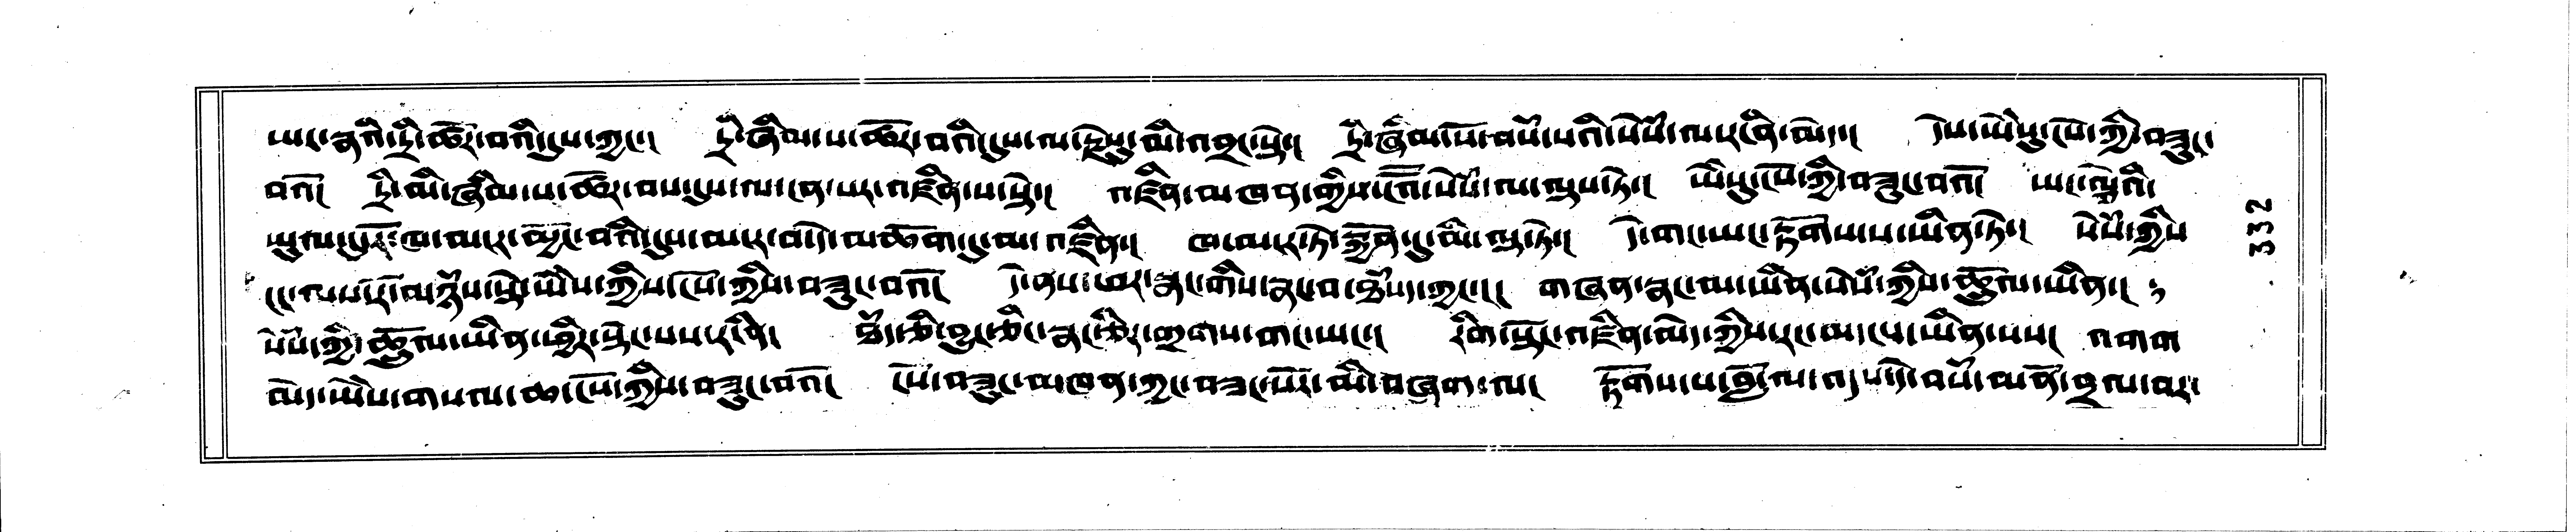ཡང་སྣའི་དྲི་ཚོར་བའི་དུ་བཟང་༼དུས་ཀྱང༽། དྲི་ཞིམ་པོ་ཚོར་བའི་དུས་ལ་རྗེས་སུ་མི་འབྲིང་སྟེ། དྲི་ཞིམ་པོ་བསམ་པའི་སེམས་ལ་རང་བཞིན་མེད་དེ། ཡེ་ཤེས་སུ་ངོས་ཀྱིས་བཟུང་
བའོ། དྲི་མི་ཞིམ་པ་ཚོར་བའི་དུས་ལ་ངན་པར་འཛིན་པ་སྟེ། འཛིན་མཁན་གྱིས་སེམས་ལ་བལྟ་སྟེ། ཡེ་ཤེས་སུ་ངོས་ཀྱིས་བཟུང་པའོ། ཡང་ལྕེའི་
ཡུལ་དུ་རོ་ཁ་མངར་མྱོང་བའི་དུས། མངར་བ་དེ་མཆོག་དུ་མི་འཛིན། ཁ་བ་དེ་སྐྱོན་དུ་མི་ལྟ། དེ་གང་ཡང་རྟོགས་པ་མིན་ཏེ། སེམས་ཀྱིས་
ངང་དུ་རོ་མྱོང་སྟེ། ཡེ་ཤེས་སུ་ངོས་ཀྱིས་བཟུང་པའོ། དེ་ནས་ཕར་སྣང་གི་སྣང་བ་ཐམས་ཅད་ཀྱང་ གཞན་སྣང་མ་ཡིན་སེམས་ཀྱི་ཆོ་འཕྲུལ་ཡིན། 
སེམས་ཀྱིས་ཆོ་འཕྲུལ་ཡིན་ཕྱིན་སྟོང་པ་ཉིད་ཀྱིས་རང་བཞིན་ནོ། ཐམས་ཅད་ཅི་བྱུང་ཅི་སྣང་ཅི་གྲག་གང་ཡང་རིག་སྟོང་འཛིན་མེད་ཀྱིས་རང་གདངས་ཡིན་པས། འགག་
མེད་ཡེ་ཤེས་ཀྱིས་གསལ་ཆ་ངོས་ཀྱིས་བཟུངས་པའོ། ངོས་བཟུང་མཁན་ཀྱང་༼ཡང༽བཟུང་སོར་མི་བཞག་ལ། རྟོག་པ་བློ་ལས་འདས་ཏེ་བསམ་མནོའ་བྲལ་བར་